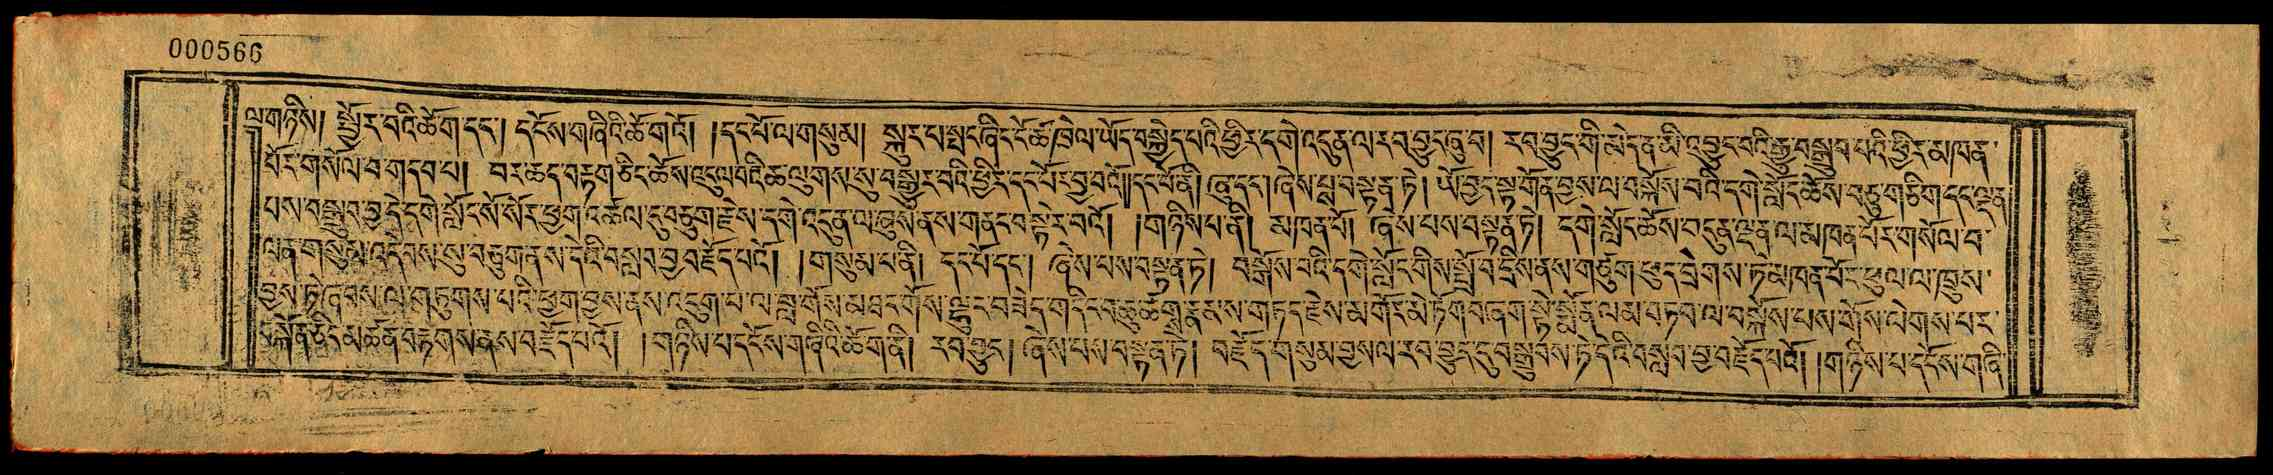ལ་གཉིས། སྦྱོར་བའི་ཆོ་ག་དང་། དངོས་གཞིའི་ཆོ་གའོ། །དང་པོ་ལ་གསུམ། སྐུར་པ་སྤང་ཞིང་ངོ་ཚ་ཁྲེལ་ཡོད་བསྐྱེད་པའི་ཕྱིར་དགེ་འདུན་ལ་རབ་བྱུང་ཞུ་བ། རབ་བྱུང་གི་མེད་ན་མི་འབྱུང་བའི་རྒྱུ་བསྒྲུབ་པའི་ཕྱིར་མཁན་
པོར་གསོལ་བ་གདབ་པ། བར་ཆད་བརྟག་ཅིང་ཆོས་འདུལ་བའི་ཆ་ལུགས་དུ་བསྒྱུར་བའི་ཕྱིར་དང་པོར་བྱ་བའོ། །དང་པོ་ནི། ཞུ་དང་། ཞེས་པས་བསྟན་ཏེ། ཡོ་བྱད་སྟ་གོན་བྱས་ལ་བསྐོས་པའི་དགེ་སློང་ཆོས་བཅུ་གཅིག་དང་ལྡན་
རྫས་བསྒྲུབ་བྱ་དེ་དགེ་སློང་སོ་སོར་ཕྱག་འཚལ་དུ་བཅུག་རྗེས་དགེ་འདུན་ལ་ཞུས་ནས་གནང་བ་སྟེར་བའོ། །གཉིས་པ་ནི། མཁན་པོ། ཞེས་པས་བསྟན་ཏེ། དགེ་སློང་ཆོས་བདུན་ལྡན་ལམ་ཁན་པོར་གསོལ་བ་
ལན་གསུམ་འདེབས་སུ་བཅུག་ནས་དེའི་བསླབ་བྱ་བརྗོད་པའོ། །གསུམ་པ་ནི། དང་པོ་དང་། ཞེས་པས་བསྟན་ཏེ། བསྐོས་པའི་དགེ་སློང་གིས་སྤྲོ་བ་དྲིས་ནས་གཙུག་ཕུང་བྲེགས་ཏེ་མཁན་པོར་ཕུལ་ལ་ཁྲུས་
བྱས་ཏེ་ཞབས་ལ་གཏུགས་པའི་ཕྱག་བྱས་ནས་འདུག་པ་ལ་བླ་གོས་མཐང་གོས་ལྷུང་བཟེད་གདིང་བ་ཆུ་ཚགས་རྣམས་གཏད་རྗེས་མགོར་མེ་ཏོག་བཞག་སྟེ་སྨོན་ལམ་བཏབ་ལ་བསྐོས་པས་གོས་ལེགས་པར་
བསྐོན་ཅིང་མཚན་བརྟགས་ནས་བརྗོད་པའོ། །གཉིས་པ་དངོས་གཞིའི་ཆོ་ག་ནི། རབ་བྱུང་། ཞེས་པས་བསྟན་ཏེ། བརྗོད་གསུམ་བྱས་ལ་རབ་བྱུང་དུ་བསྒྲུབས་ཏེ་དེའི་བསླབ་བྱ་བརྗོད་པའོ། །གཉིས་པ་དངོས་གཞི་